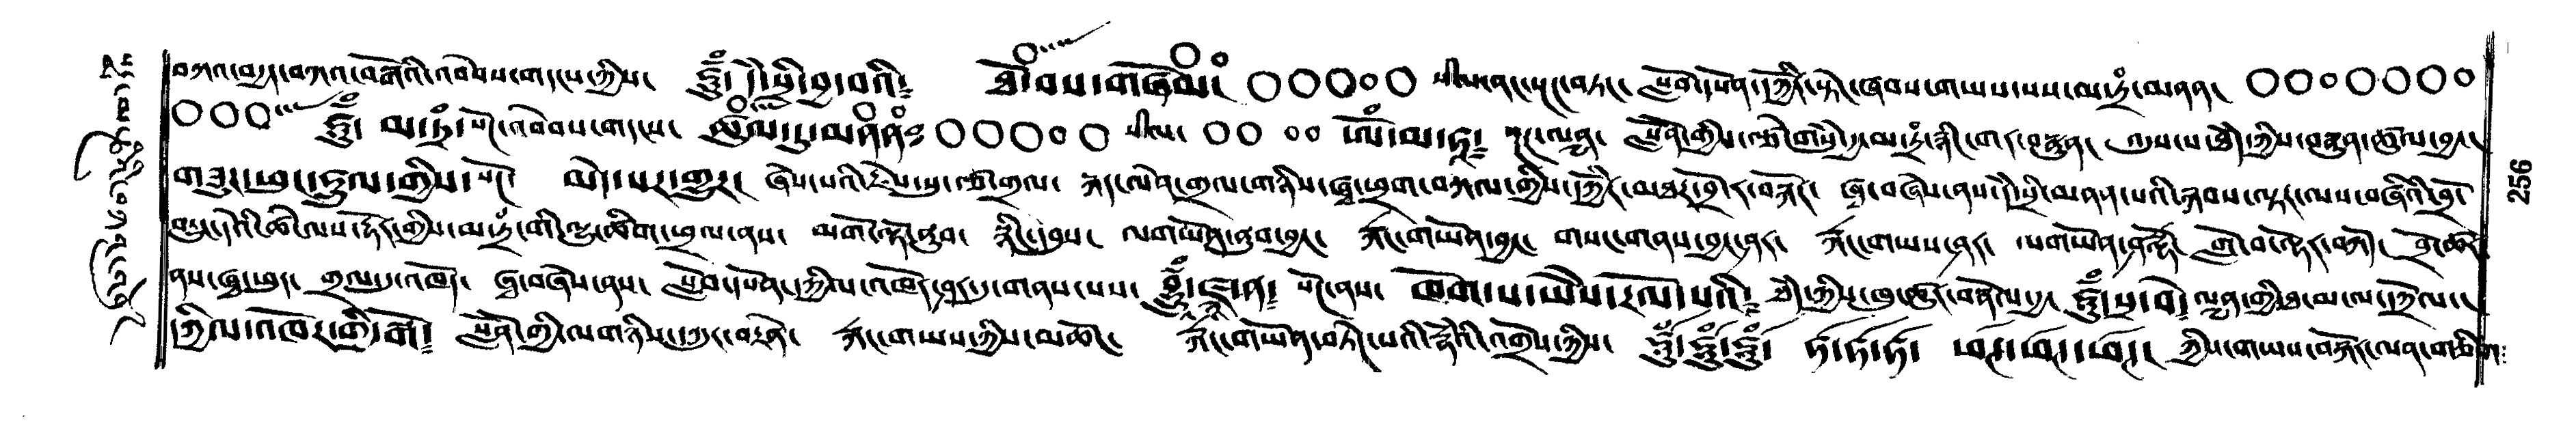བཀའ་བརྒྱད་བཀའ་བསྒོའི་འབེབས་གདངས་ཀྱིས། ཧཱུྃ། དམ་སྲི་བྱ་བའི༴ ཐོ་བས་གཞོམ། ཟིལ་ནང་སྔགས་གཏང་། སློབ་དཔོན་དཀྱིལ་འཁོར་སྟེང་ཞབས་གཡས་པས་མ་ཏྲཾ་མནན། 
ཧཱུྃ། མ་ཏྲ༴ ཾསོགས་འབེབས་གདངས། ཚུལ་དུ་མནན། ཟིལ། ཨོཾ་མ་ཧཱ༴ སྔགས་ལན་བདུན། སློབ་དཔོན་གྱིས་རྩེ་གསུམ་རྒྱ་མ་ཏྲཾ་སྙིང་གར་བསྣུན། འདུས་པ་ཐམས་ཅད་ཀྱིས་སྣུན་ཚུལ་བྱ།
གཟུགས་ཕུང་ཧྲུལ་གྱིས༴ སོགས། མེད་པར་གྱུར། ཞེས་པའི་རྗེས་སུ་རྩ་གྲལ་ ( སྐད་ལེན་གྲལ ?) ་གཉིས་ཞྭ་ཕྲག་བཀལ་གྱིས་དཀྱིལ་འཁོར་མཐར་བྲོ་ར་བསྐོར། ཞྭ་བཞེས་ནས་དམ་སྲི་མནན་པའི་སྐབས་ལྟར་ལས་བཞིའི་བྲོ་
བརྡུང་། དེའི་ཚེ་ལས་རྡོར་གྱིས་མ་ཏྲཾ་གྱི་ལྷུ་ཚིགས་ཕྲལ་ནས། མགོ་ལྷོ་ནུབ། སྙིང་དབུས། ལག་གཡོན་ནུབ་བྱང་།རྐང་གཡོན་བྱང་། གསང་གནས་བྱང་ཤར། རྐང་གཡས་ཤར། ལག་གཡོན་ཤར་ལྷོ། གློ་བ་ལྷོར་དགཽད། བྲོ་ཚར་
ནས་ཞྭ་ཕུད་ཅིང་གྲལ་དུ་འཁོད། ཞྭ་བཞེས་ནས་སློབ་དཔོན་དཀྱིལ་འཁོར་གྱི་ཤར་དུ་གནས་པས། བྷྲུྃ་ཛྙཱ་ན༴ སོགས་ནས། ཁོག་པ་ཡེ་ཤེས་རོལ་པའི༴ ཐམས་ཅད་ཀྱིས་ཁུ་ཚུར་བསྣོལ་རྒྱ། ཧཱུྃ་པྲ་བེ༴ ལན་བདུན་གྱི་ཐ་མ་ལ་དགྲོལ། 
དཀྱིལ་འཁོར་གྱི་སྒོ༴ སློབ་དཔོན་གྱི་ལག་གཉིས་དཀུར་བརྟེན། རྐང་གཡས་ཀྱིས་མཆོང་། རྐང་གཡོན་བཏེགས་པའིརྡོ་རྗེའི་འགྲོས་ཀྱིས། ཧཱུྃ་ཧཱུྃ་ཧཱུྃ། ཧ་ཧ་ཧ། ཕཊ་ཕཊ་ཕཊ། ཀྱིས་གཡས་སྐོར་ལན་གཅིག